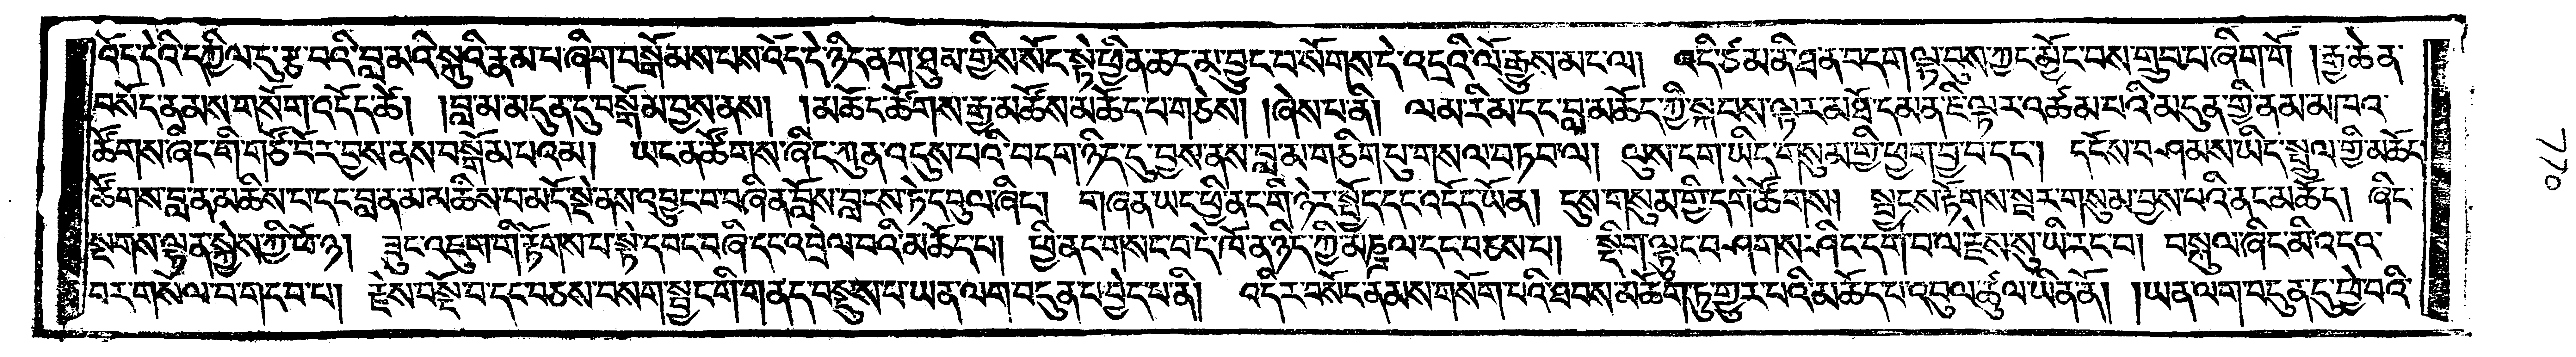འོད་དེའི་དཀྱིལ་དུ་རྩ་བའི་བླ་མའི་སྐུའི་རྣམ་པ་ཞིག་བསྒོམས་པས་འོད་དེ་ཉིད་ནག་ཐུམ་གྱིས་སོངས་སྟེ་ཕྱིན་ཆད་མ་བྱུང་བ་སོགས་དེ་འདྲའི་ལོ་རྒྱུས་མང་ལ། འདི་ཙམ་ནི་ཐ་ན་བདག་ལྟ་བུས་ཀྱང་མྱོང་བས་གྲུབ་པ་ཞིག་གོ། །རྒྱ་ཆེན་
བསོད་ནམས་གསོག་འདོད་ཚེ། །བླ་མ་མདུན་དུ་བསྒོམ་བྱས་ནས། །མཆོད་ཚོགས་རྒྱ་མཚོས་མཆོད་པ་གཅེས། །ཞེས་པ་ནི། ལམ་རིམ་དང་བླ་མཆོད་ཀྱི་སྐབས་ལྟར་མཐོ་དམན་ཇི་ལྟར་འཚམ་པའི་མདུན་གྱི་ནམ་མཁའ་
ཚོགས་ཞིང་གི་གཙོ་བོར་བྱས་ནས་བསྒོམ་པའམ། ཡང་ན་ཚོགས་ཞིང་ཀུན་འདུས་པའི་བདག་ཉིད་དུ་བྱས་ནས་བླ་མ་གཅིག་པུ་གསལ་བཏབ་ལ། ལུས་ངག་ཡིད་གསུམ་གྱི་ཕྱག་བྱ་བ་དང་། དངོས་བཤམས་ཡིད་སྤྲུལ་གྱི་མཆོད་
ཚོགས་བླ་ན་མཆིས་པ་དང་བླ་ན་མ་མཆིས་པ་མདོ་སྡེ་ནས་འབྱུང་བ་བཞིན་བློས་བླངས་ཏེ་དབུལ་ཞིང་། གཞན་ཡང་ཕྱི་ནང་གི་ཉེར་སྤྱོད་དང་འདོད་ཡོན། དུས་གསུམ་གྱི་དགེ་ཚོགས། །སྦྱངས་རྟོགས་སྦར་གསུམ་བྱས་པའི་ནང་མཆོད། ཞིང་
སྔགས་ལྷན་སྐྱེས་ཀྱི་ཕོ་ཉ། ཟུང་འཇུག་གི་རྟོགས་པ་སྟེ་དབང་བཞི་དང་འབྲེལ་བའི་མཆོད་པ། ཕྱི་ནང་གསང་བ་དེ་ཁོ་ན་ཉིད་ཀྱི་མཎྜལ་དང་བཅོས་པ། སྡིག་ལྟུང་བཤགས་ཤིང་དགེ་བ་ལ་རྗེས་སུ་ཡི་རང་བ། བསྐུལ་ཞིང་མི་འདའ་
བར་གསོལ་བ་གདབ་པ། རྗེས་བསྔོ་བ་དང་བཅས་བསག་སྦྱང་གི་གནད་བསྡུས་པ་ཡན་ལག་བདུན་པ་བྱེད་པ་ནི། འདིར་བསོད་ནམས་གསོག་པའི་ཐབས་མཆོག་ཏུ་གྱུར་པའི་མཆོད་པ་དབུལ་ཚུལ་ཡིན་ནོ། །ཡན་ལག་བདུན་དུ་ཕྱེ་བའི་